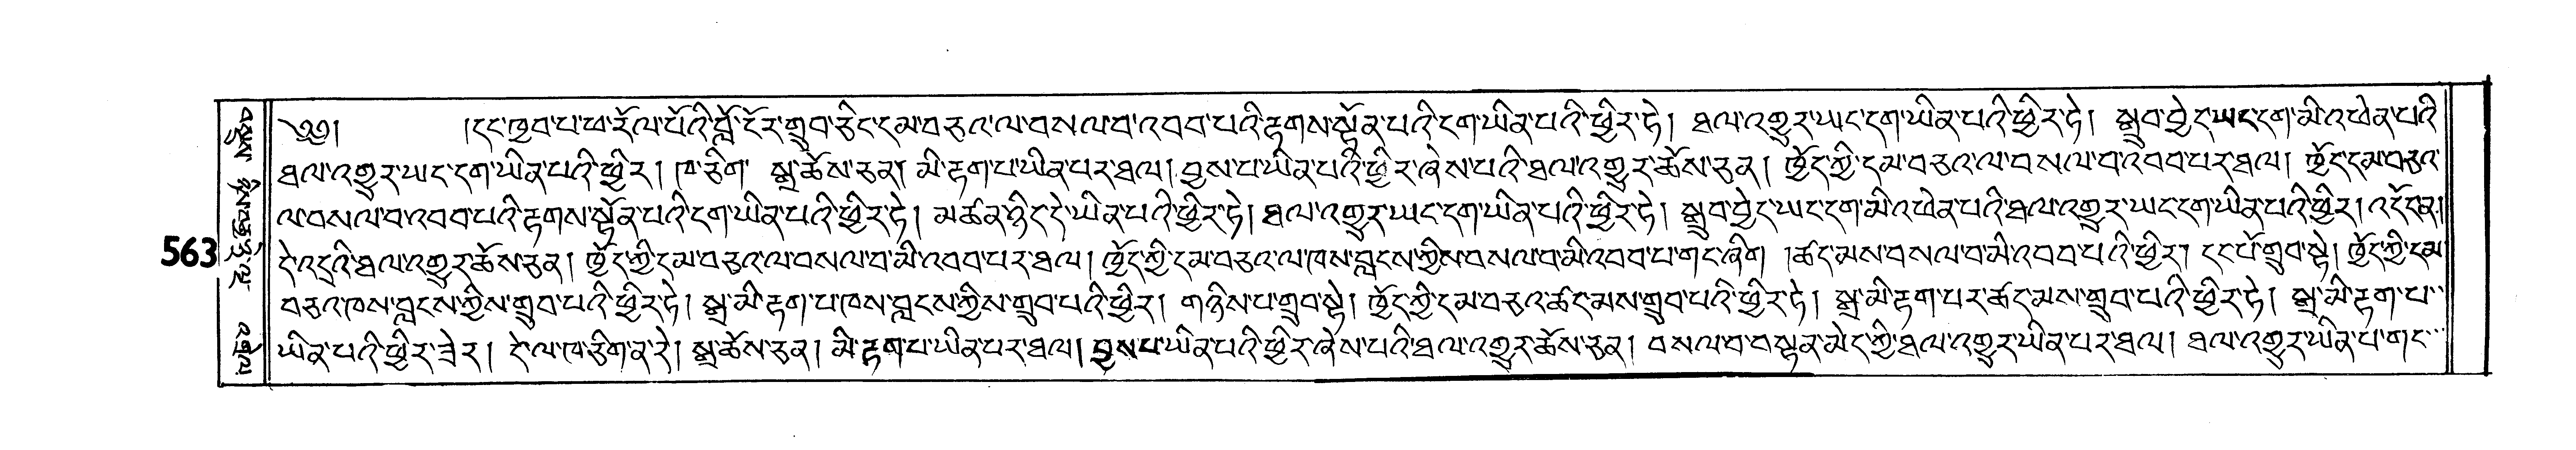༄༅། །དང་ཁྱབ་པ་ཕ་རོལ་པོའི་བློ་ངོར་གྲུབ་ཅིང་དམ་བཅའ་ལ་བསལ་བ་འབབ་པའི་རྟགས་སྟོན་པའི་ངག་ཡིན་པའི་ཕྱིར་ཏེ། ཐལ་འགྱུར་ཡང་དག་ཡིན་པའི་ཕྱིར་ཏེ། སྒྲུབ་བྱེད་ཡང་དག་མི་འཕེན་པའི་
ཐལ་འགྱུར་ཡང་དག་ཡིན་པའི་ཕྱིར། ཁ་ཅིག་སྒྲ་ཆོས་ཅན། མི་རྟག་པ་ཡིན་པར་ཐལ། བྱས་པ་ཡིན་པའི་ཕྱིར་ཞེས་པའི་ཐལ་འགྱུར་ཆོས་ཅན། ཁྱོད་ཀྱི་དམ་བཅའ་ལ་བསལ་བ་འབབ་པར་ཐལ། ཁྱོད་དམ་བཅའ་
ལ་བསལ་བ་འབབ་པའི་རྟགས་སྟོན་པའི་ངག་ཡིན་པའི་ཕྱིར་ཏེ། མཚན་ཉིད་དེ་ཡིན་པའི་ཕྱིར་ཏེ། ཐལ་འགྱུར་ཡང་དག་ཡིན་པའི་ཕྱིར་ཏེ། སྒྲུབ་བྱེད་ཡང་དག་མི་འཕེན་པའི་ཐལ་འགྱུར་ཡང་དག་ཡིན་པའི་ཕྱིར། འདོད་ན།
དེ་འདྲའི་ཐལ་འགྱུར་ཆོས་ཅན། ཁྱོད་ཀྱི་དམ་བཅའ་ལ་བསལ་བ་མི་འབབ་པར་ཐལ། ཁྱོད་ཀྱི་དམ་བཅའ་ལ་ཁས་བླངས་ཀྱིས་བསལ་བ་མི་འབབ་པ་གང་ཞིག །ཚད་མས་བསལ་བ་མི་འབབ་པའི་ཕྱིར། དང་པོ་གྲུབ་སྟེ། ཁྱོད་ཀྱི་དམ་
བཅའ་ཁས་བླངས་ཀྱིས་གྲུབ་པའི་ཕྱིར་ཏེ། སྒྲ་མི་རྟག་པ་ཁས་བླངས་ཀྱིས་གྲུབ་པའི་ཕྱིར། གཉིས་པ་གྲུབ་སྟེ། ཁྱོད་ཀྱི་དམ་བཅའ་ཚད་མས་གྲུབ་པའི་ཕྱིར་ཏེ། སྒྲ་མི་རྟག་པར་ཚད་མས་གྲུབ་པའི་ཕྱིར་ཏེ། སྒྲ་མི་རྟག་པ་
ཡིན་པའི་ཕྱིར་ཟེར། དེ་ལ་ཁ་ཅིག་ན་རེ། སྒྲ་ཆོས་ཅན། མི་རྟག་པ་ཡིན་པར་ཐལ། བྱས་པ་ཡིན་པའི་ཕྱིར་ཞེས་པའི་ཐལ་འགྱུར་ཆོས་ཅན། བསལ་བ་བསྟན་མེད་ཀྱི་ཐལ་འགྱུར་ཡིན་པར་ཐལ། ཐལ་འགྱུར་ཡིན་པ་གང་